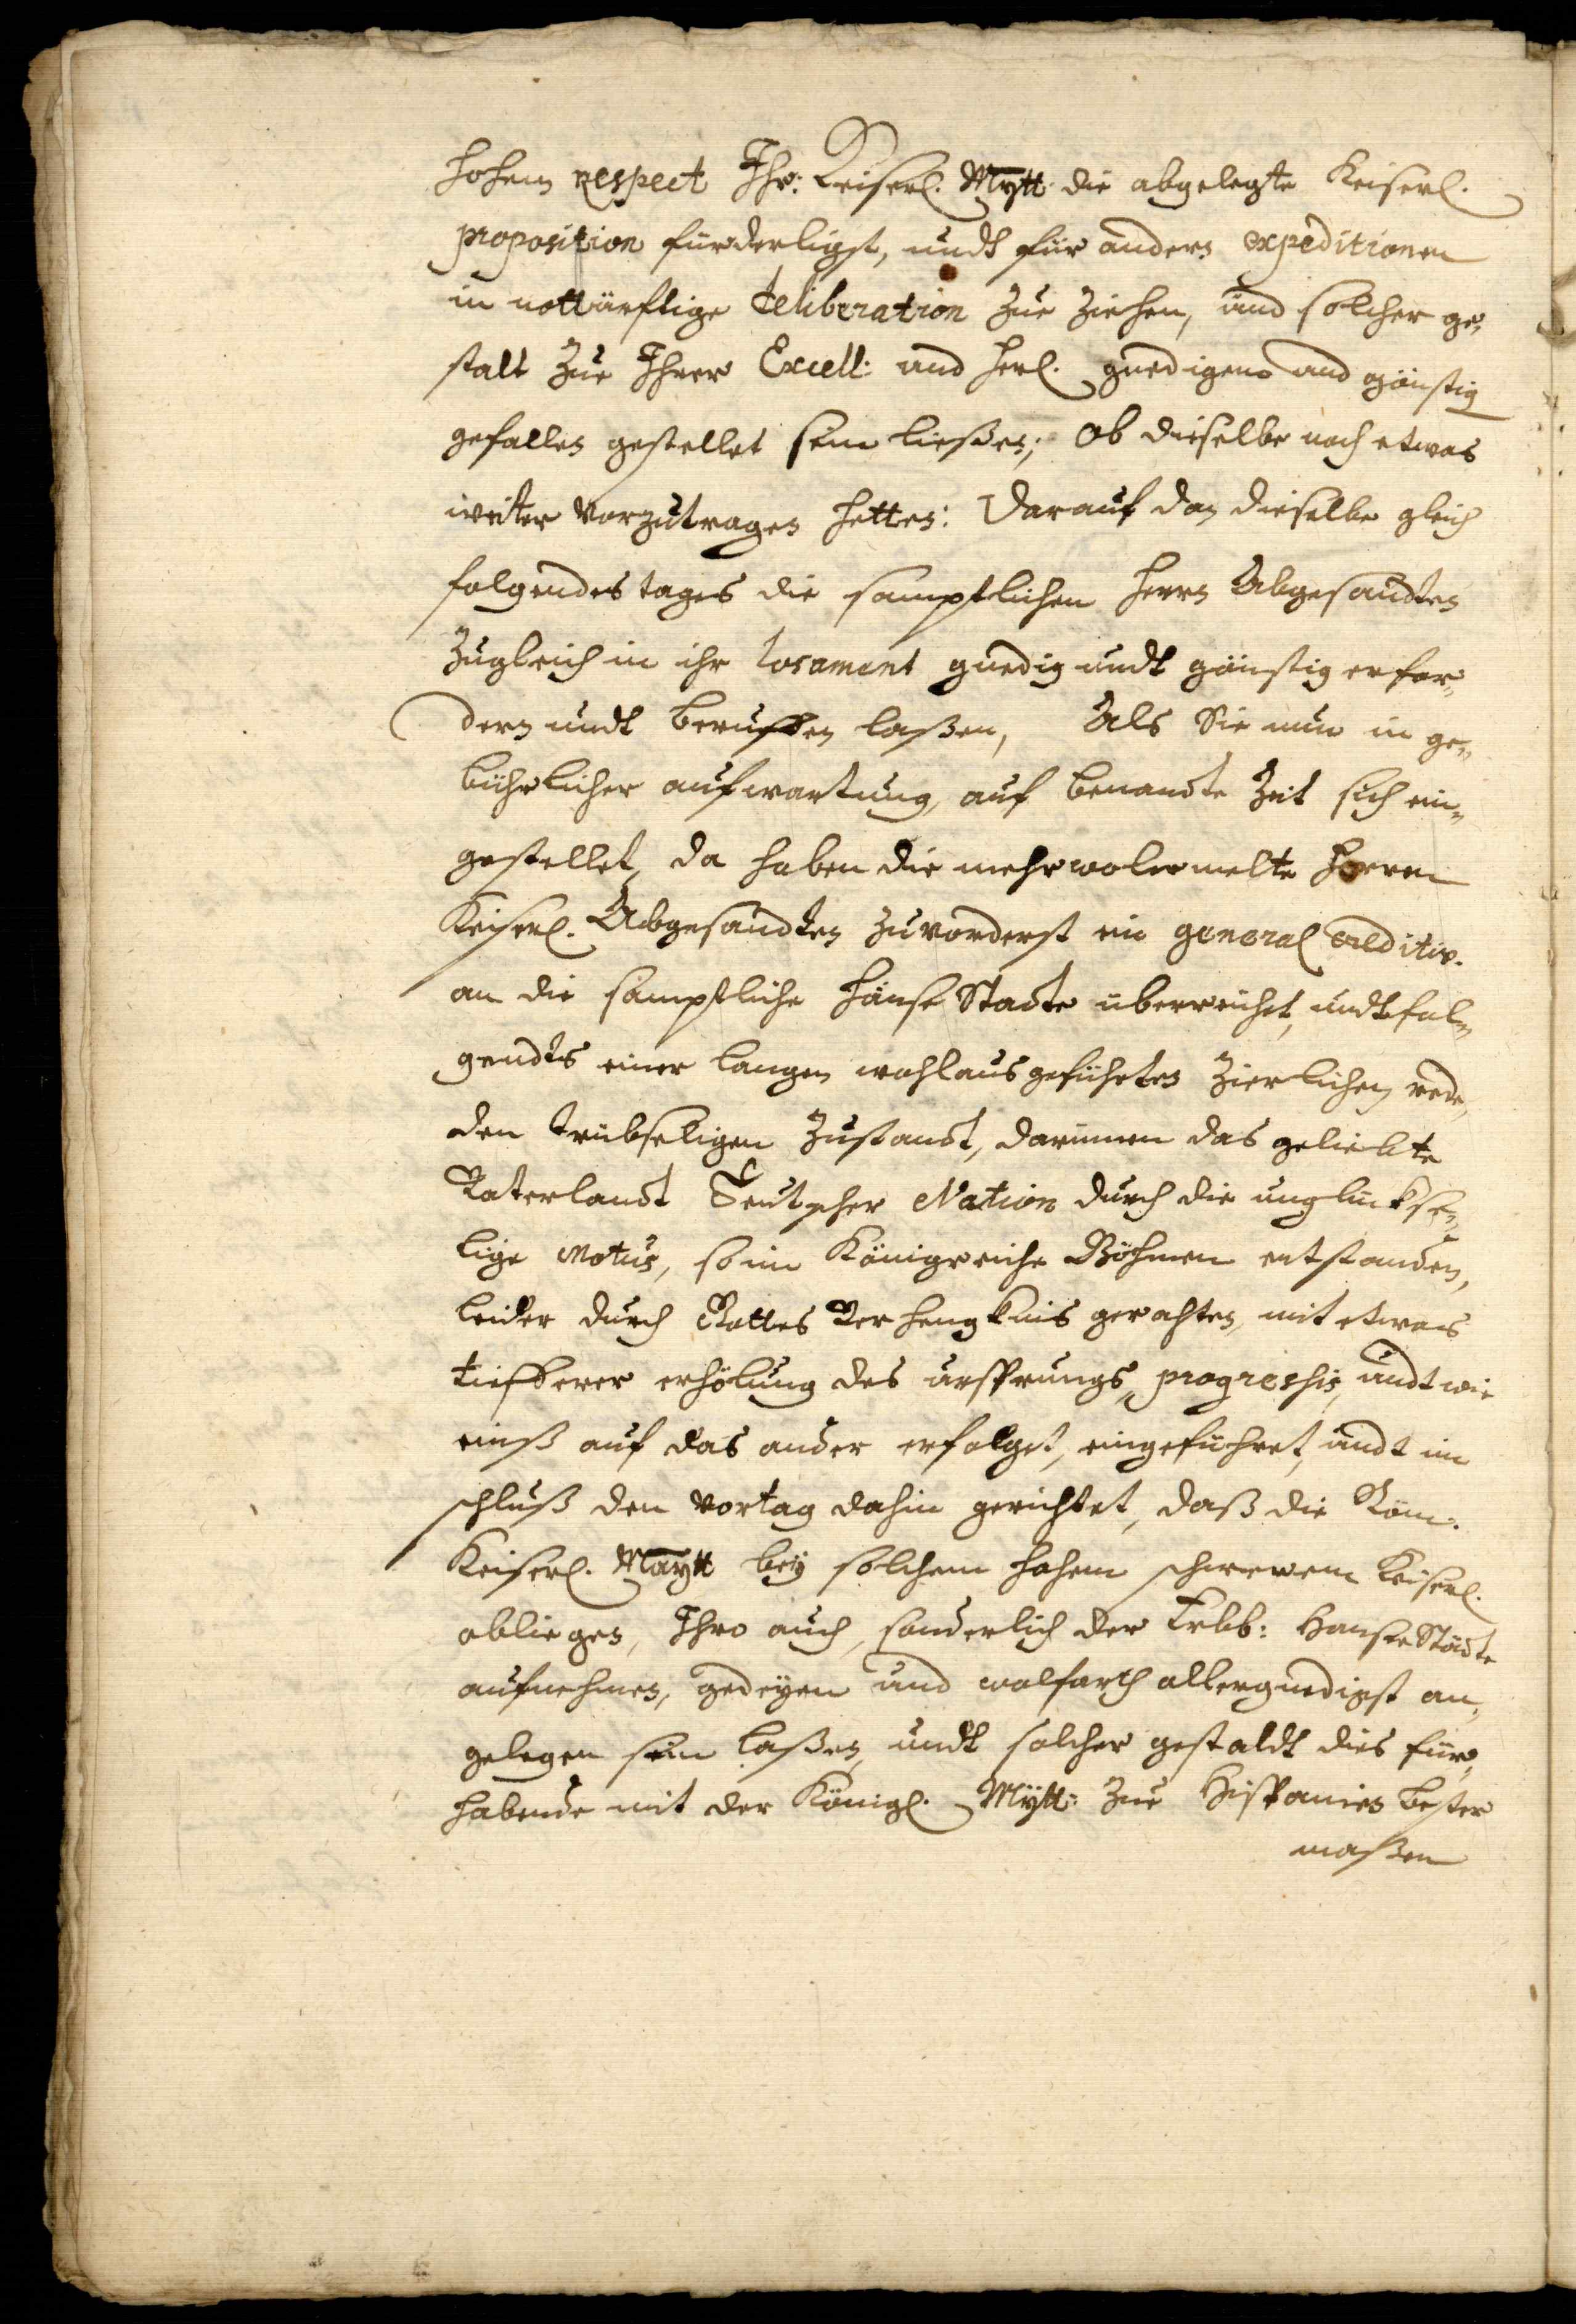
hohem respect Ihr: Keiserl. Mytt: die abgelegte keiserl.
proposition fürderligst, undt für andern expeditionen
in nottörftige deliberation zue ziehen, und solcher ge¬
stalt zue Ihrer Excell: und her. gnedigen und gönstigen
gefallen gestellet sein ließen; Ob dieselbe noch etwas
weiter vorzutragen hetten: Darauf dan dieselbe gleich
folgendes tages die samptlichen herrn Abgesandten
zugleich in ihr Losament gnedig undt gönstig erfor¬
dern undt beruffen laßen, Als Sie nun in ge¬
bührlicher aufwartung auf benandte zeit sich ein¬
gestellet, da haben die mehrwolermelte herrnn
Keiserl. Abgesandten zuvorderst ein general creditiv
an die samptliche hänse Stadte überreichet, undt fol¬
gendes einer langen wohlausgeführten zierlichen rede¬
den trübseligen zustandt, darinnen das geliebte
Vaterlandt Deutscher Nation durch die unglückse¬
lige Motus, so im Königreiche Böhmen entstanden,
leider durch Gottes Verhengknis gerahten, mit etwas
tiefferer erhölung des ursprungs- progressis, undt wie
einß auf das ander erfolget, eingeführet, undt im
schluß den Vortag dahin gerichtet, daß die Röm.
Keiserl. Maijtt beij solchem hohem schwerem Keiserl.
obliegen, Ihro auch, sonderlich der Erbb: Hansee Städte
aufnehmen, gedeijen und wolfarth allergnedigst an¬
gelegen sein laßen, undt solcher gestaldt dies für¬
habende mit der Königl. Mijtt: zue Hispanien bester
maßen
